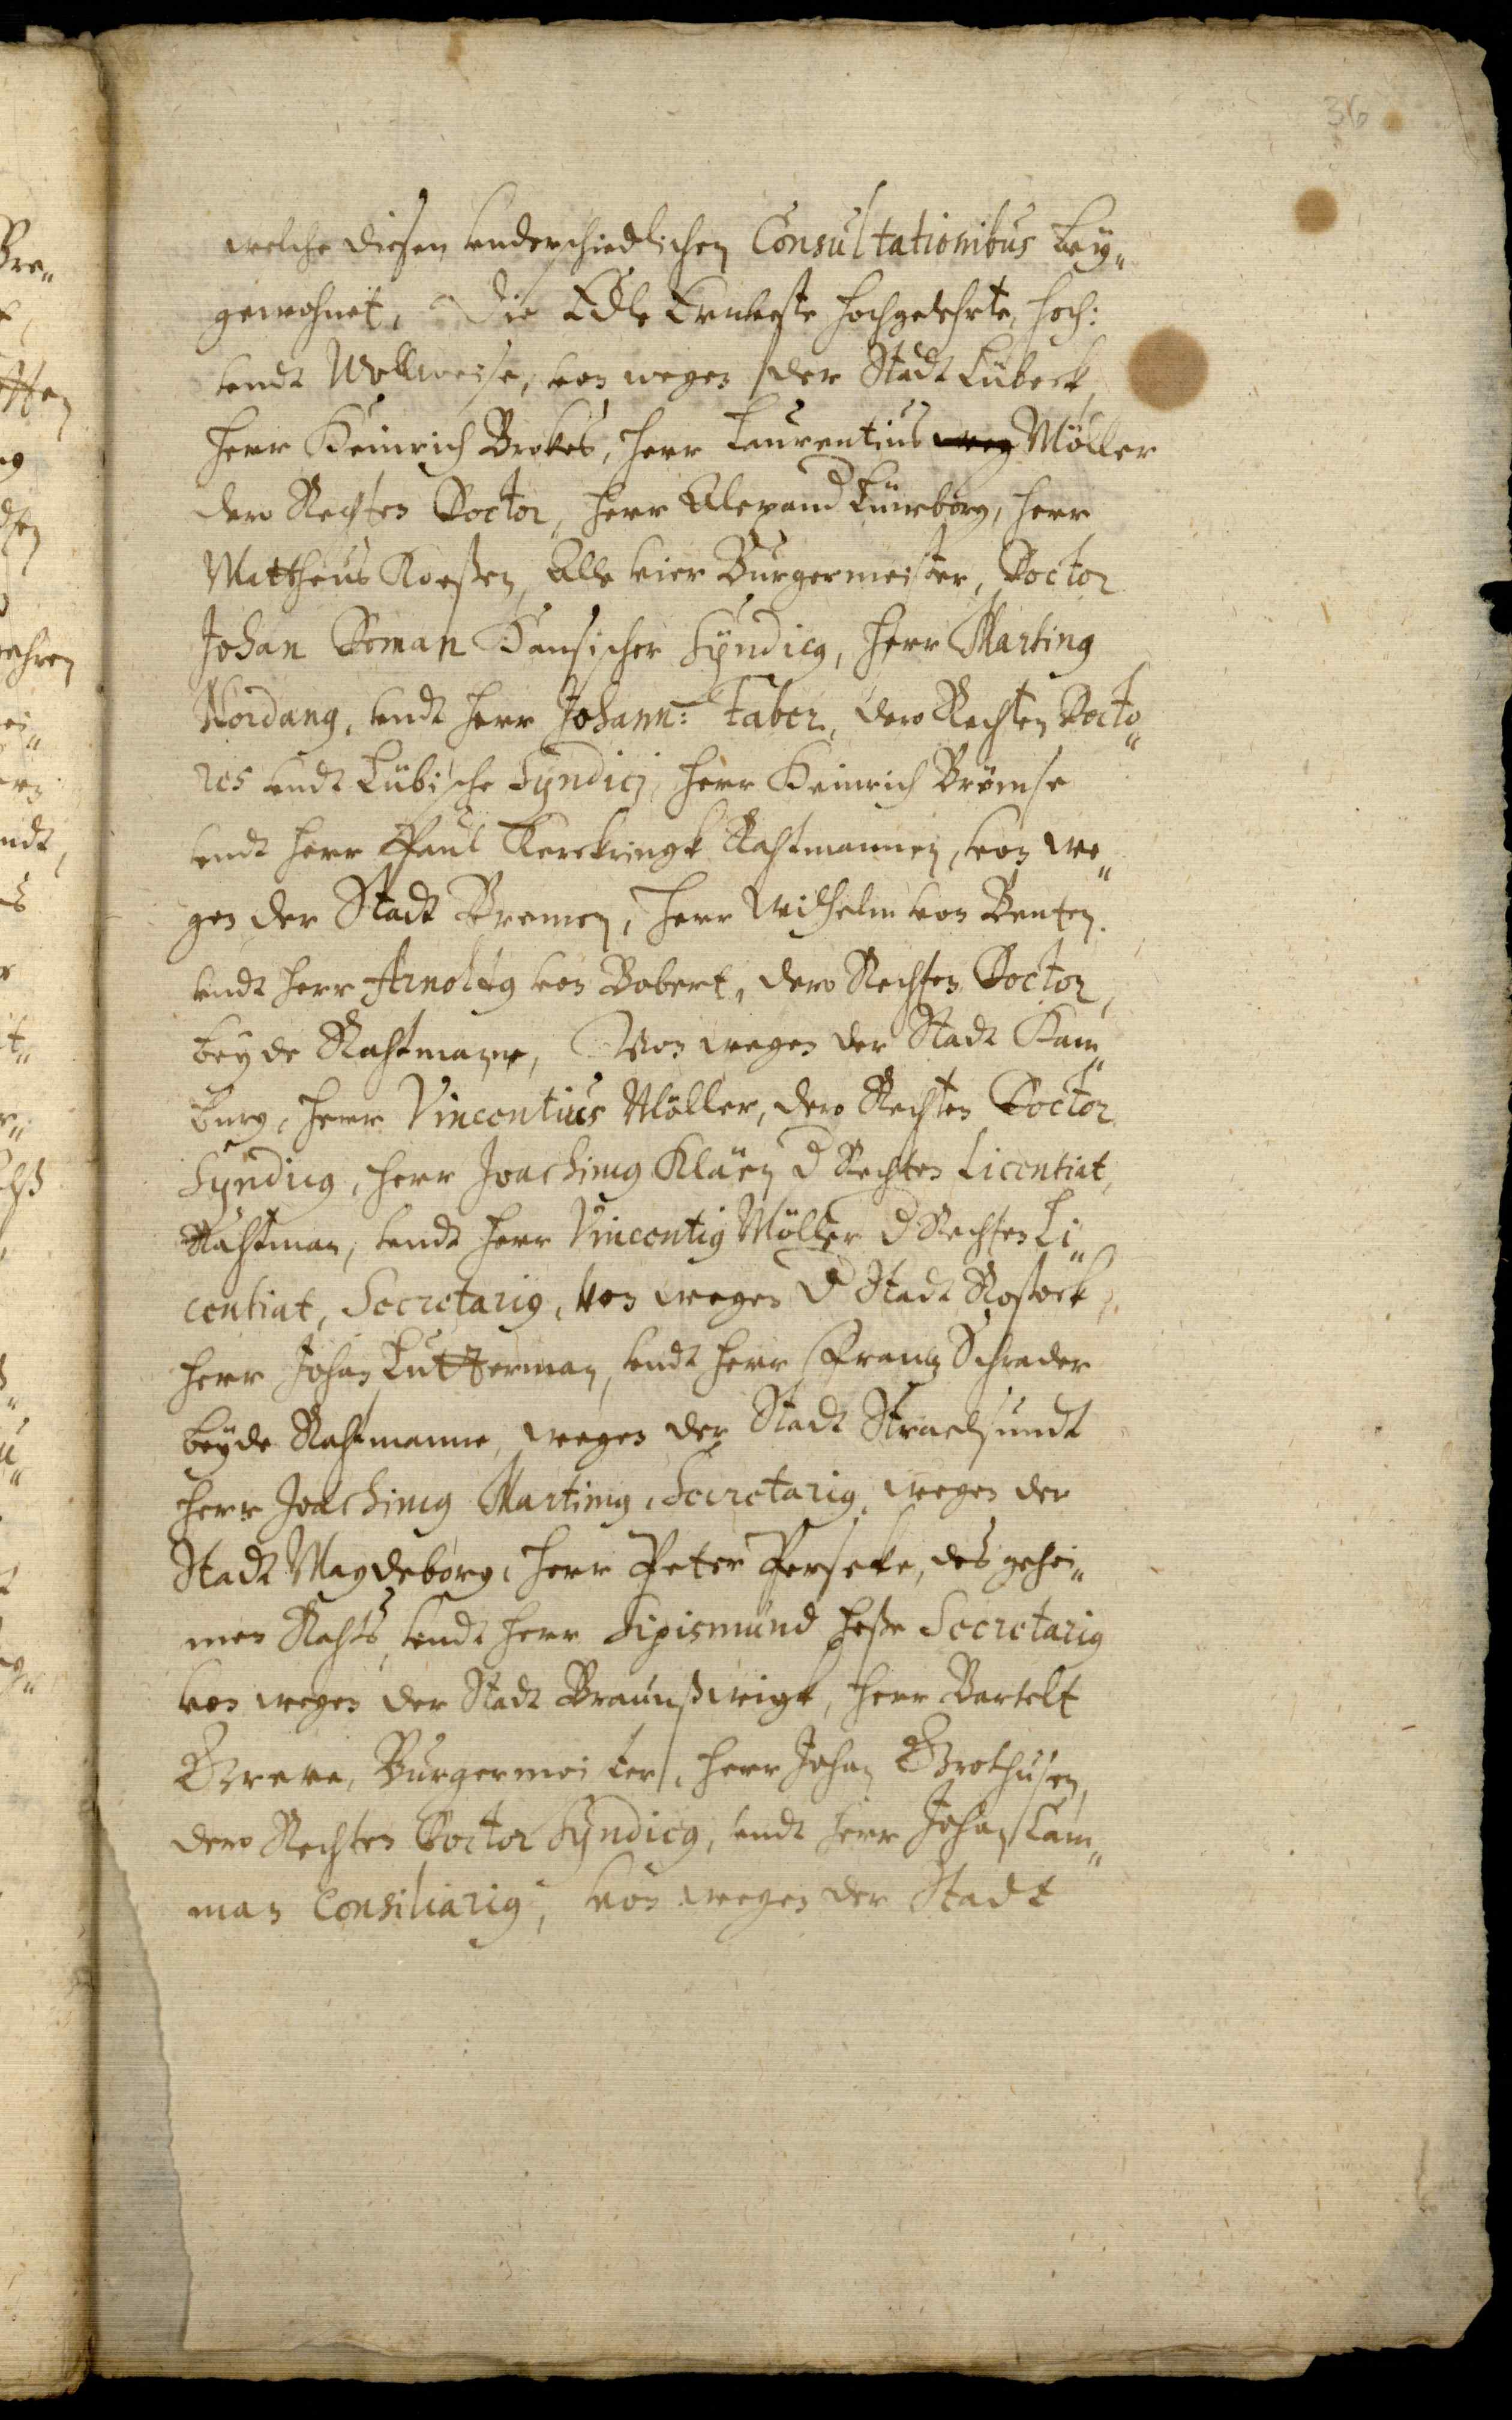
welche diesen vnderschiedlichen Consultationibus beij¬
gewohnet, Die Edle Ernveste hochgelehrte, hoch:
vndt Wollweise, von wegen der Stadt Lübeck,
herr Heinrich Brokes, herr Laurentius weg Möller
der Rechten Doctor, herr Alexander Lüneborg, herr
Mattheus Koeßen, alle vier Burgermeister, Doctor
Johan Doman Hansischer Sijndicus, herr Martinus
Nordanus, vndt herr Iohannes Faber, dero Rechten Docto¬
res vndt Lübische Syndici, herr Heinrich Brömse
vndt herr Paul Kerckringk, Rahtmannen, von we¬
gen der Stadt Bremen, herr Wilhelm von Benten
vndt herr Arnoldus von Bobert, dero Rechten Doctor,
beijde Rahtmanne, von wegen der Stadt Ham¬
burg, herr Vincentius Möller, dero Rechten Doctor,
Syndicus, herr Joachimus Kläen den Rechten Licentiat,
Rahtman, vndt herr Vincentius Möller den Rechten Li¬
centiat, Secretarius, von wegen der Stadt Rostock,
herr Iohan Lutterman, vndt herr Frantz Schrader
beijde Rahtmanne, wegen der Stadt Straelsundt
Herr Joachimus Martinus, Secretarius, wegen der
Stadt Magdeborg, herr Peter Perseke, des gehei¬
men Rahts, vndt herr Sigismund Heße Secretarius
von wegen der Stadt Braunßwigk, herr Bartelt
Greve, Burgermeister, herr Iohan Grothusen,
dero Rechten Doctor Syndicus, vndt herr Iohan Cam¬
man Consiliarius, von wegen der Stadt
